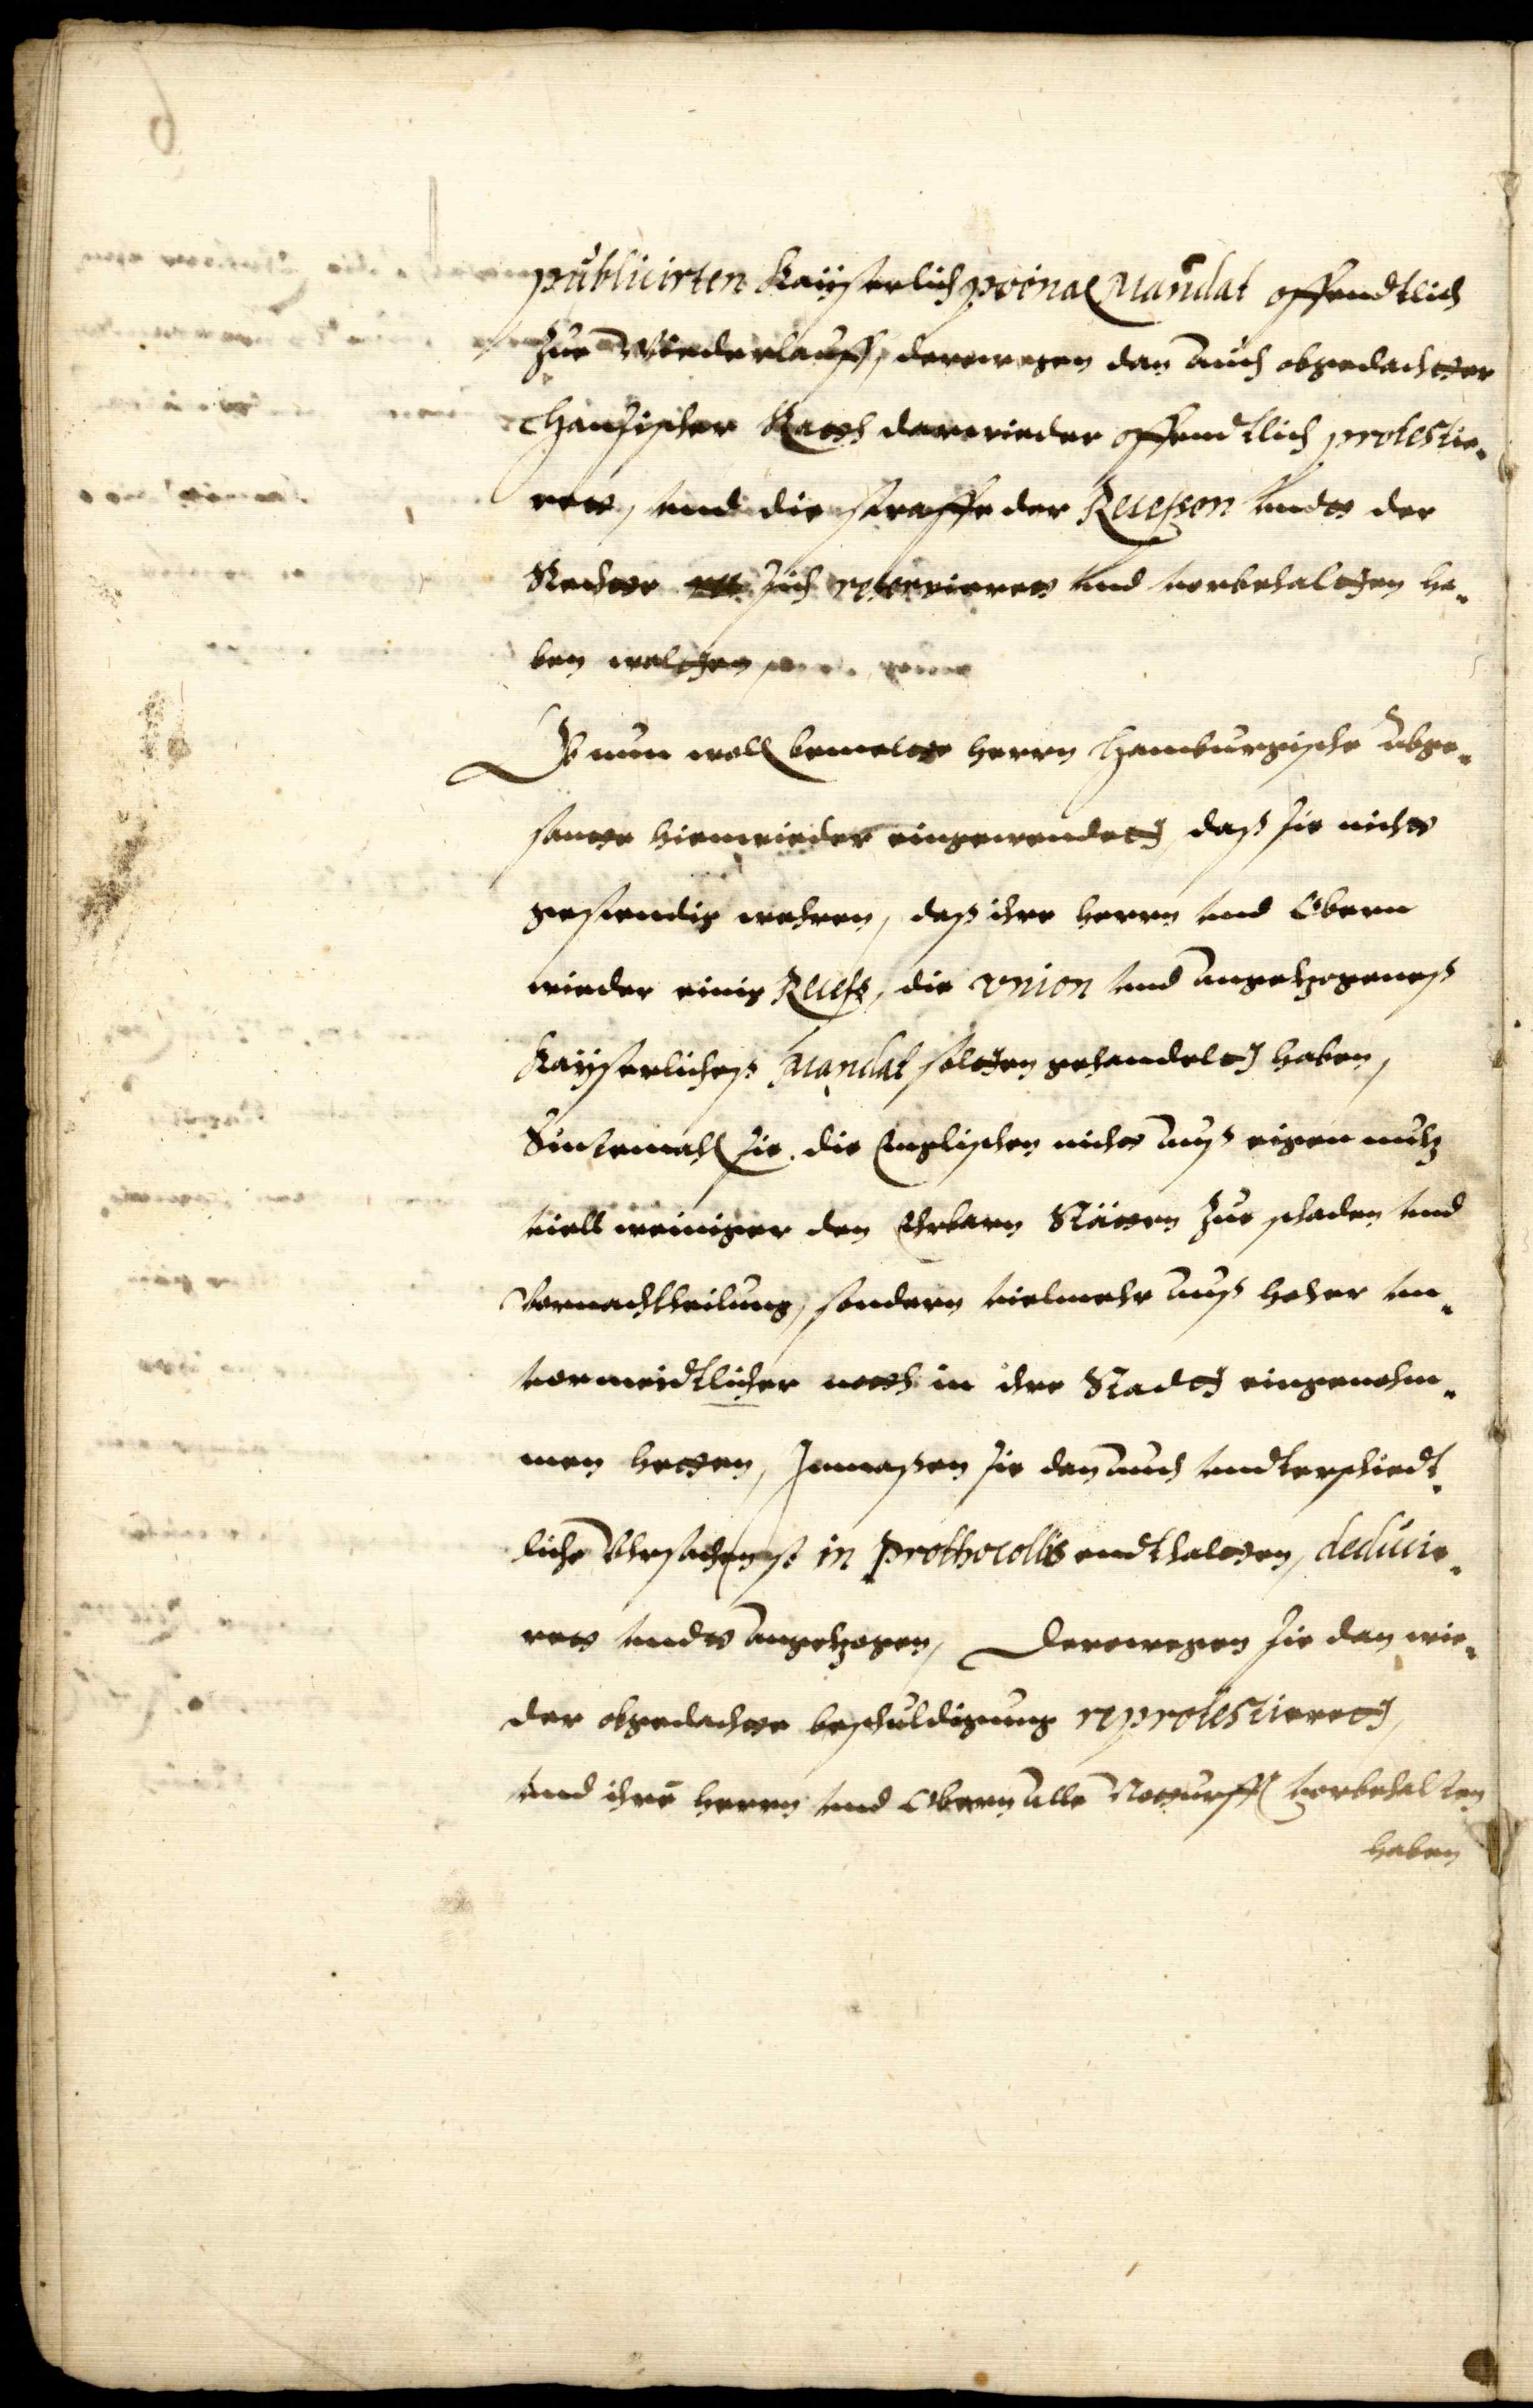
publicirten kaijserlich poenal Mandat offendtlich
zue Wiederlauff, derowegen dan Auch obgedachtter
Hansischer Ratth darwieder offendtlich protestir¬
rett, vndtt die straffe der Recessen vndtt der
Rechtte rtt sich reservierett vnd vorbehalttten ha¬
ben woltten,
Ob nun woll bemeltte herrn Hamburgische Abge¬
santte hienwider eingewendett daß sie nichtt
gestendig wehren, daß ihre herrn vnd Obern
wieder einig Recess, die vnion vnd Angetzogeneß
Kaijserlicheß Mandat soltten gehandeltt haben,
Sintemahl sie, die Englischen nichtt Auß eigen nutz
viell weiniger den Ehrbarn Stätten zue schaden vnd
Vernachtheilung, sondern vielmehr Auß hoher vn¬
vormeidtlicher notth in ihre Stadtt eingenohm¬
men hetten, Inmaßen sie dan Auch vndterschiedt¬
liche Vhrsachen so in Prothocollis endthaltten, deducie¬
rett vndtt Angetzogen, derowegen sie dan wie¬
der obgedachtte beschuldigung reprotestierett,
vnd ihre herrn vnd Obern Alle Notturfft vorbehalten
haben
